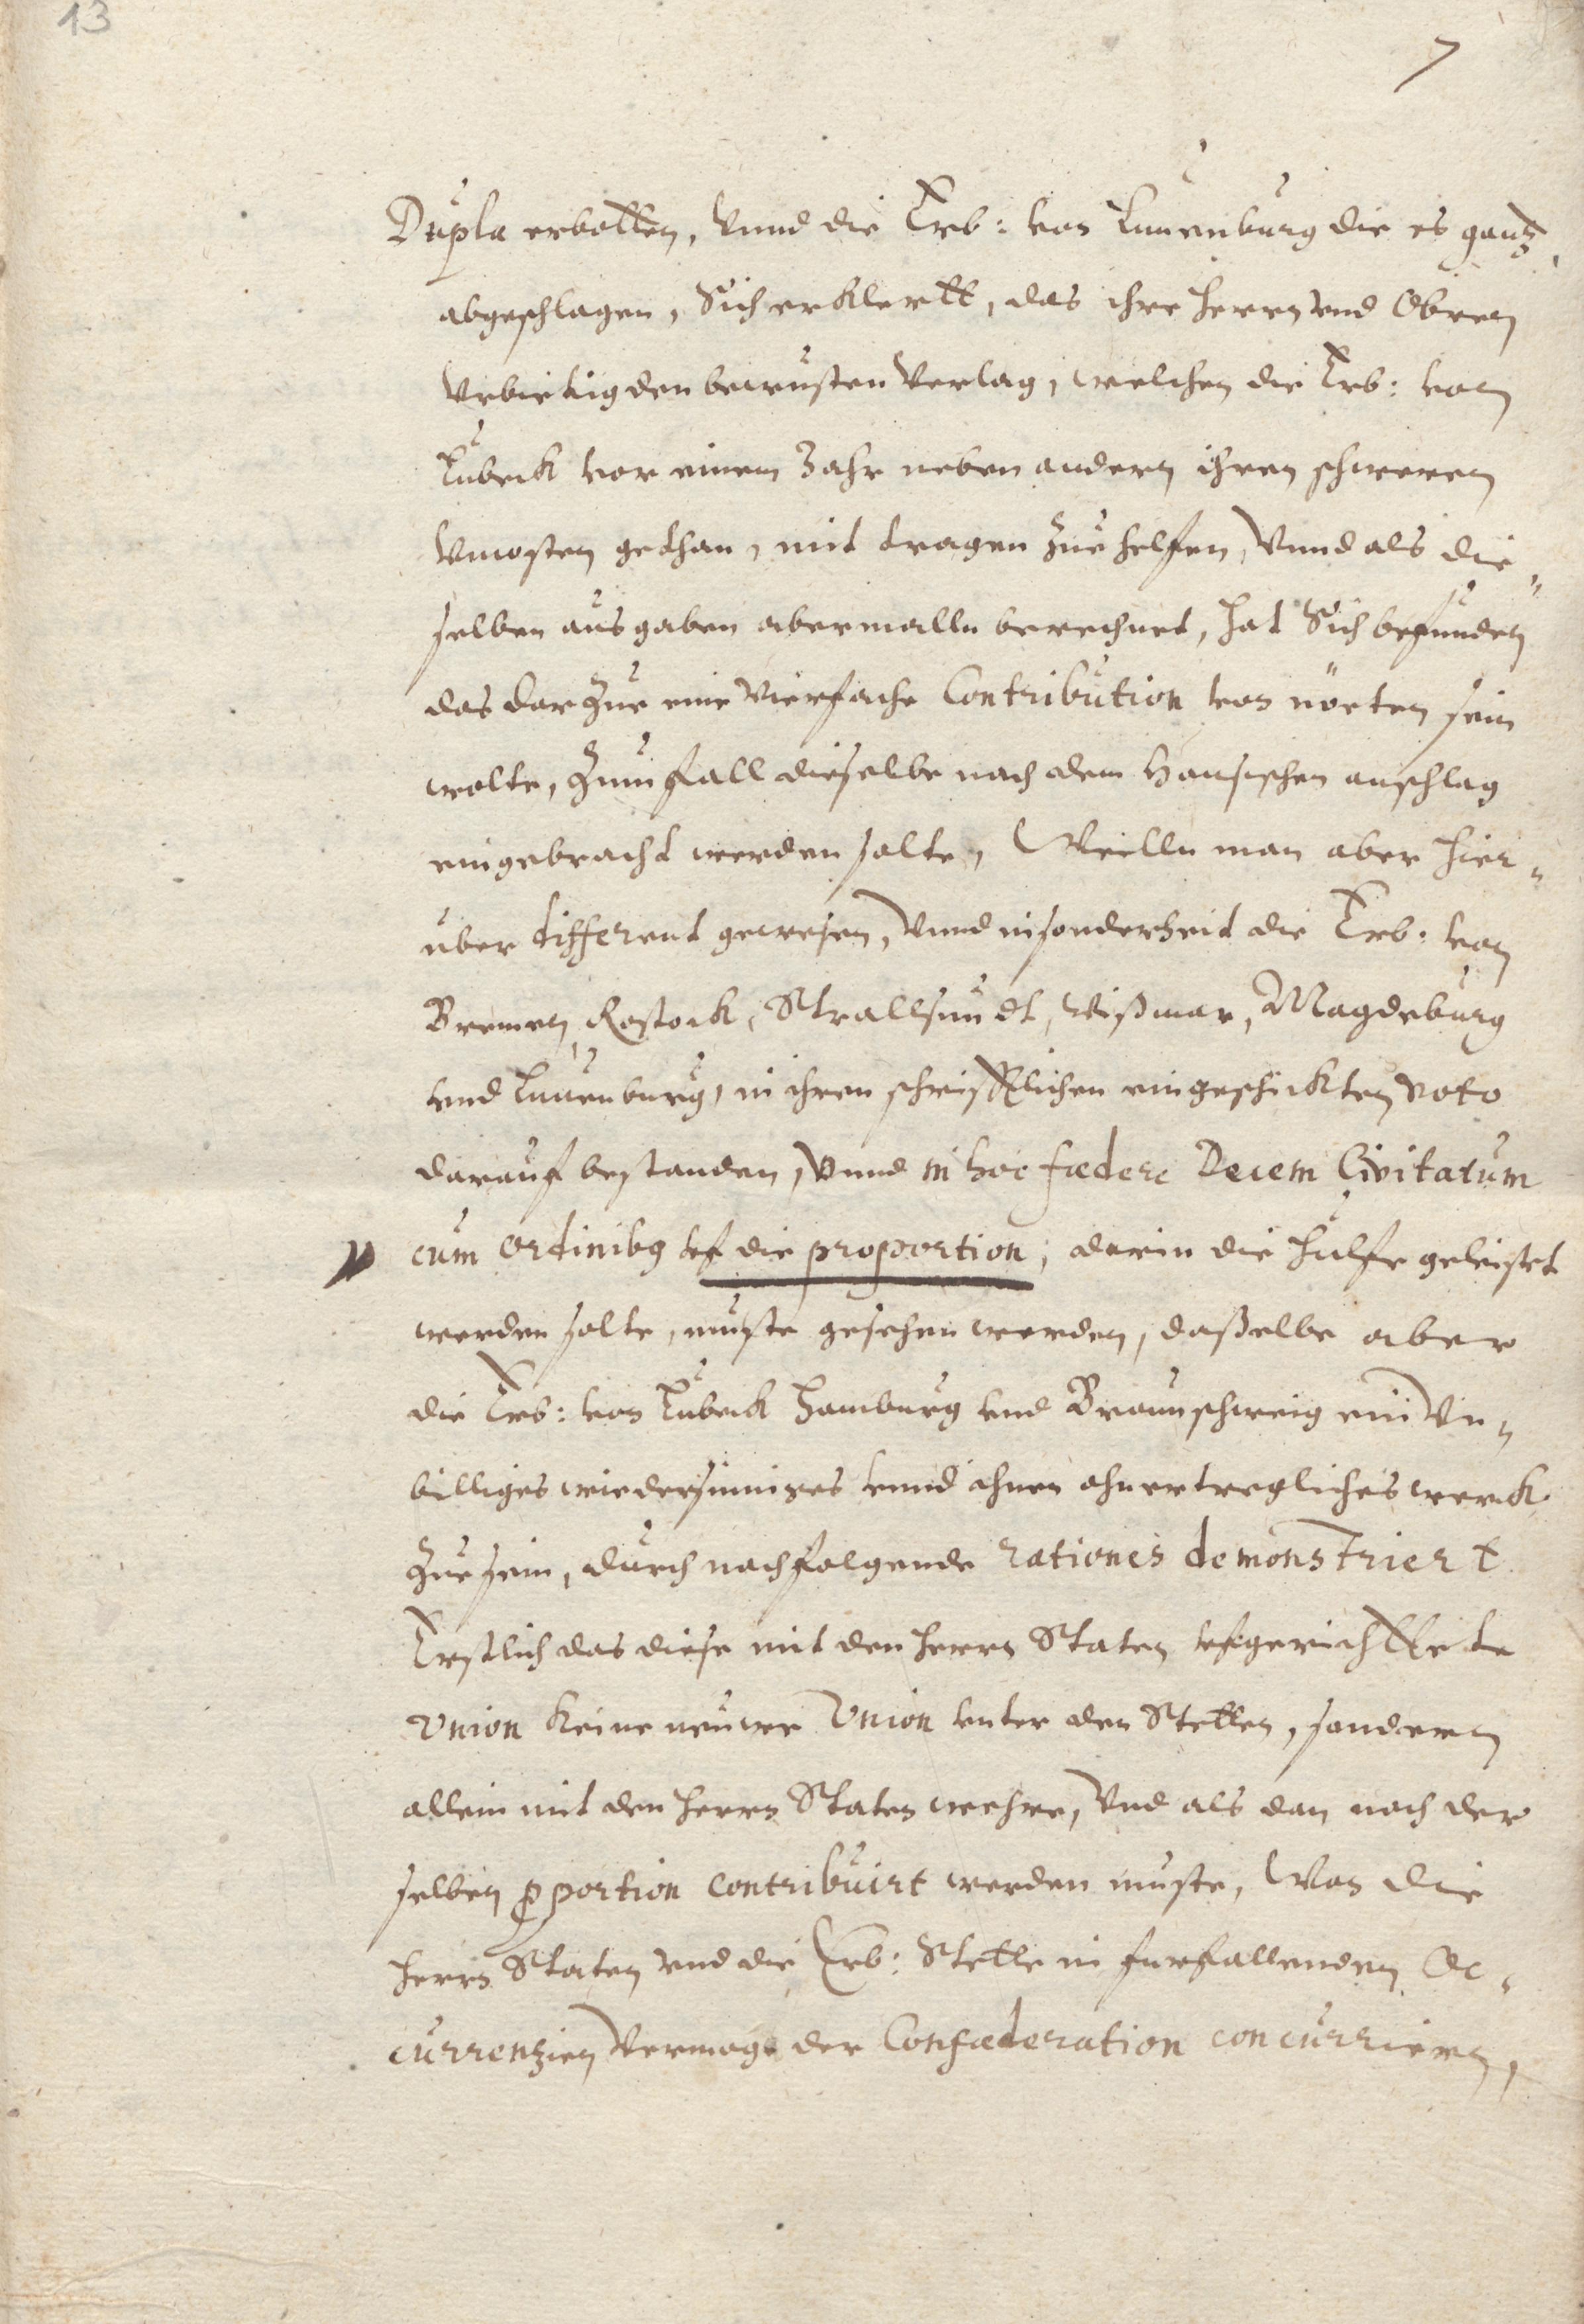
7
Dupla erbotten, vnnd die Erb: von Lunenburg die es gantz
abgeschlagen, Sich erklertt , das ihre herrn vnd Obern
vrbietig den bewußten Verlag, welchen die Erb: von
Lubeck vor einem Jahr neben andern ihren schweren
Vncosten gethan, mit tragen zue helfen, Vnnd als die¬
selben ausgaben abermalln berechnet, hat Sich befunden
das darzue eine vierfache Contribution von nöeten sein
wolte, zum fall dieselbe nach dem Hansischen anschlag
eingebracht werden solte, Weilln man aber hier¬
uber different gewesen, vnnd insonderheit die Erb: von
Bremen, Rostock, Strallsundt, Wißmar, Magdeburg
vnnd Lunenburg, in ihren schrifftlichen eingeschickten voto
darauf bestanden, vnnd in hoc foedere Decem Civitatum
cum Ordinibus vf die proportion, darin die hulfe geleistet
werden solte, mußte gesehen werden, daßelbe aber
die Erb: von Lubeck Hamburg vnd Braunschweig ein vn¬
billiges wiedersinniges vnnd ahnen ohnertregliches werk
zue sein, durch nachfolgende rationes demonstriert
Erstlich das diese mit den herrn Staten vfgerichttete
Union keine neuwe Union unter den Stetten, sondern
allein mit den herrn Staten wehre, Vnd als dan nach der
selbin proportion contribuirt werden muste, Was die
herrn Staten vnd die Erb: Stette in furfallenden Oc¬
currenzien Vermoge der Confoederation concurrriern,
